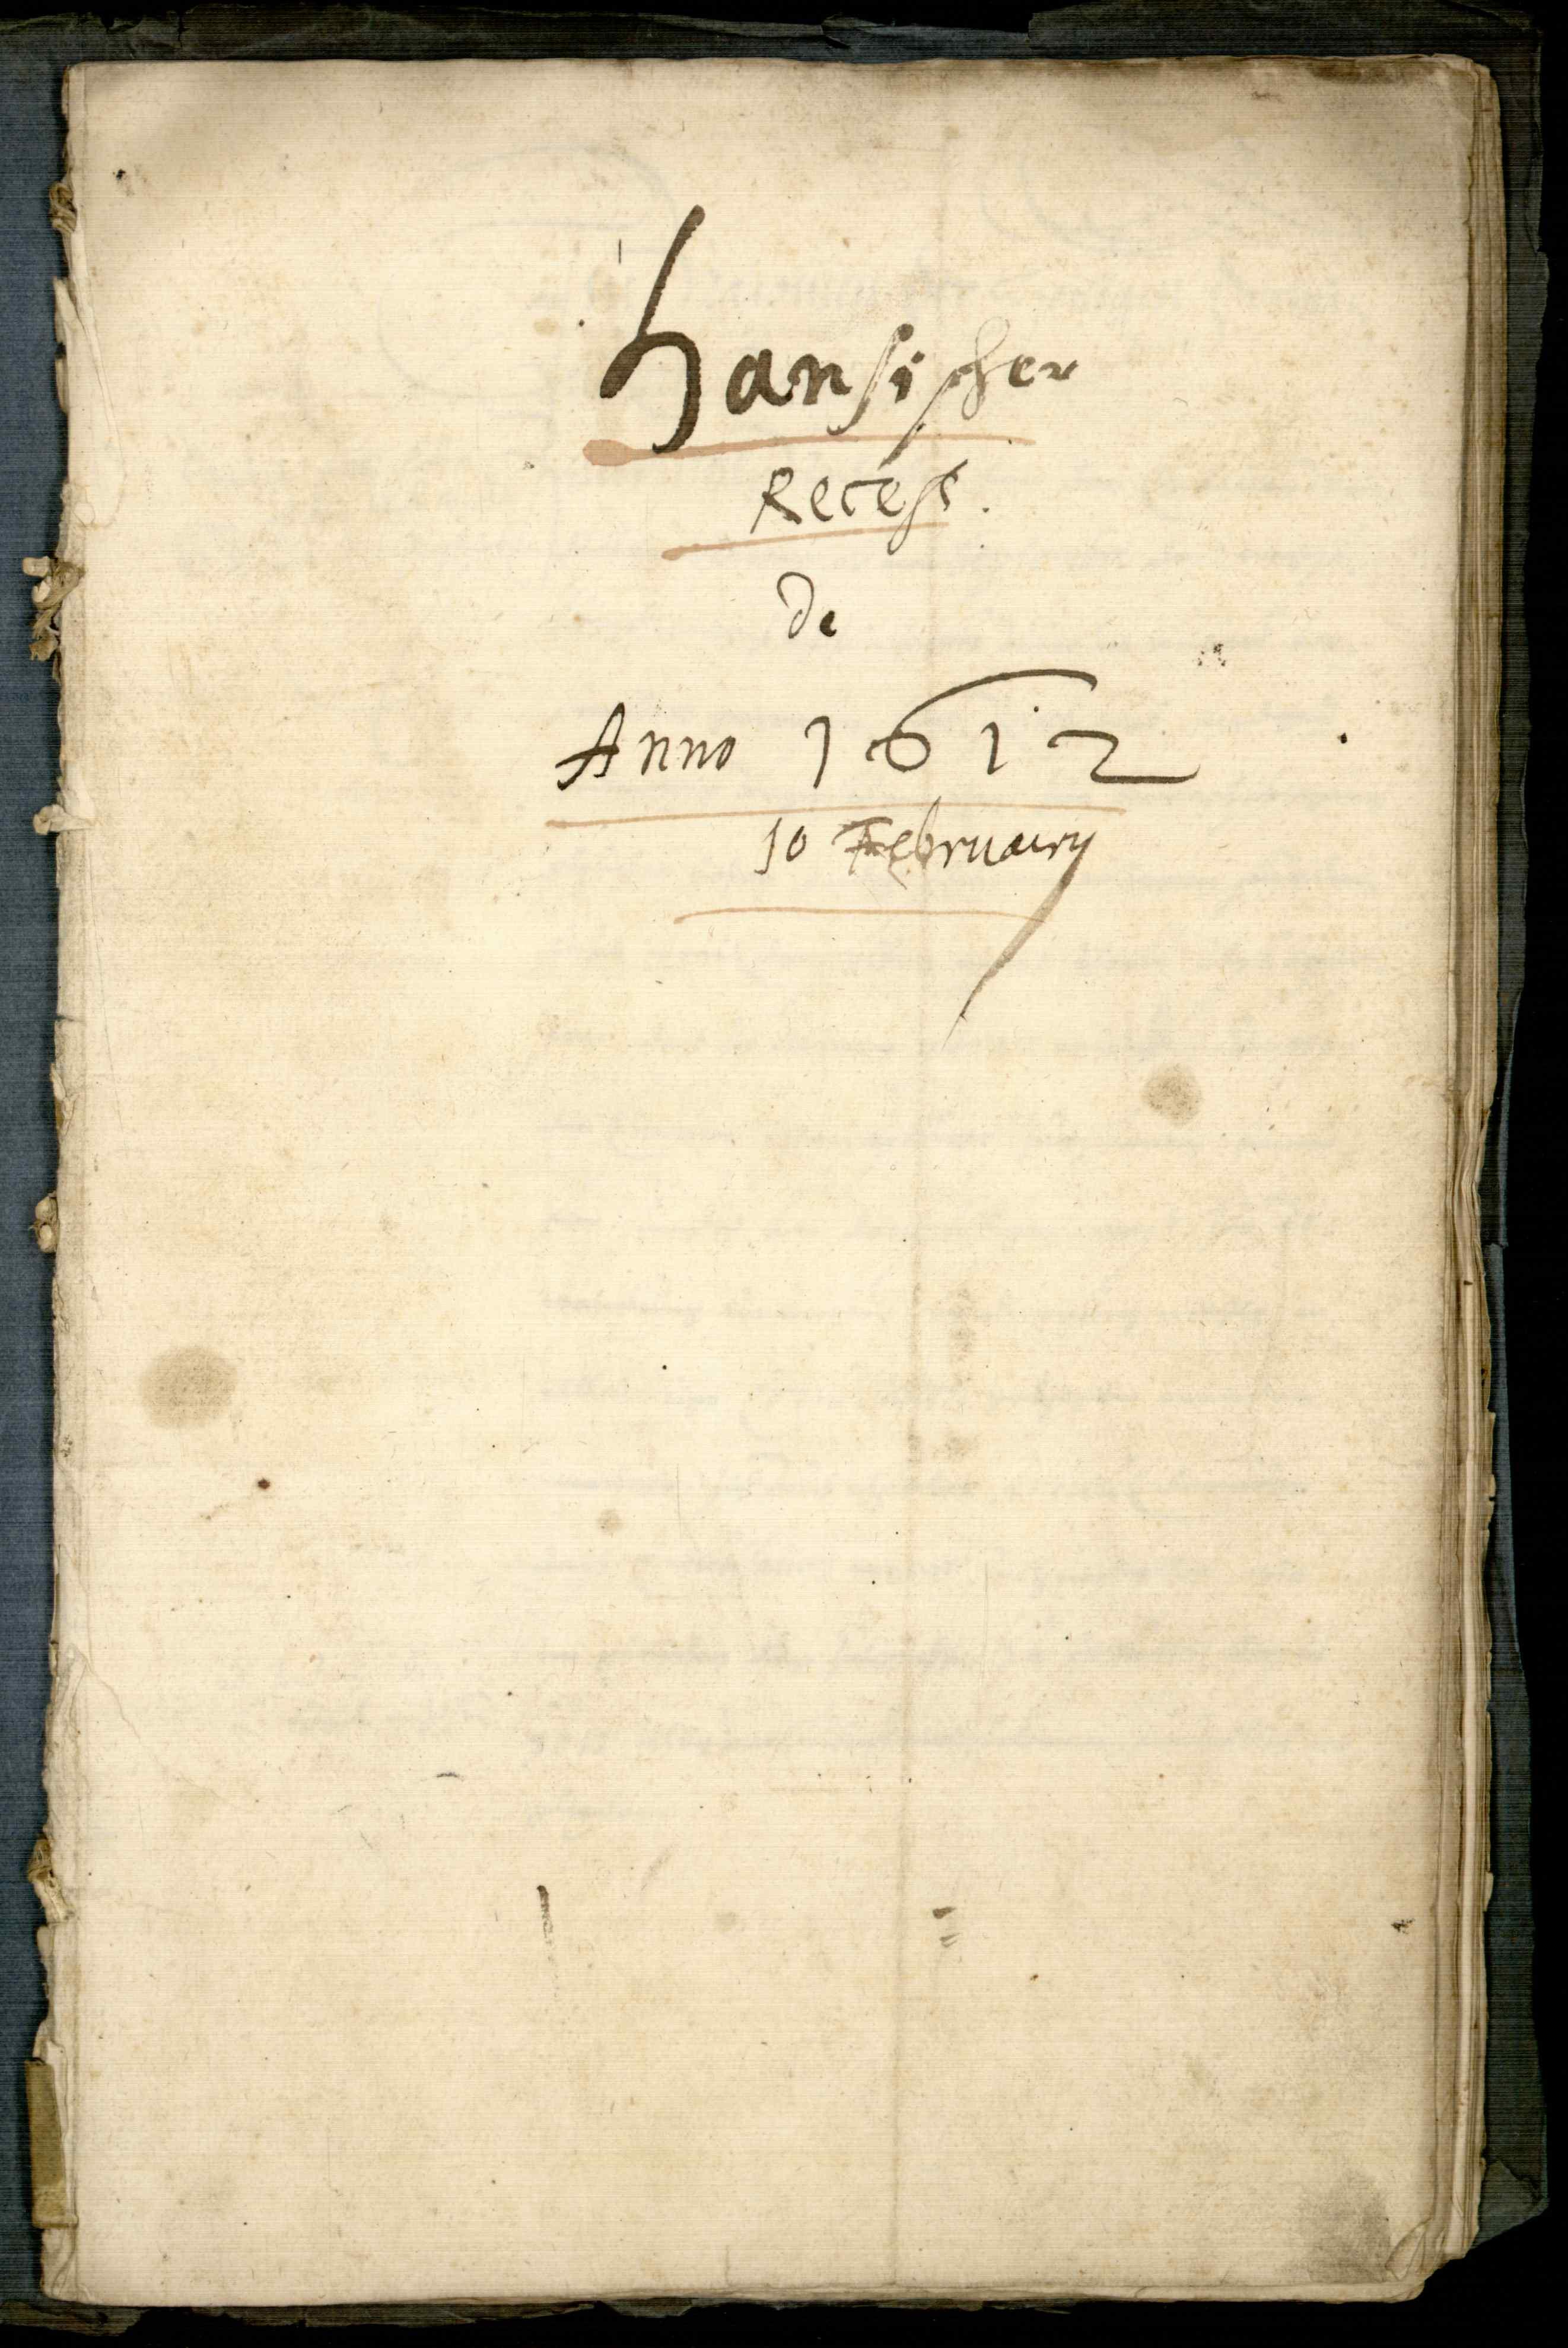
Hansischer
Recess
de
Anno 1612
10 February
